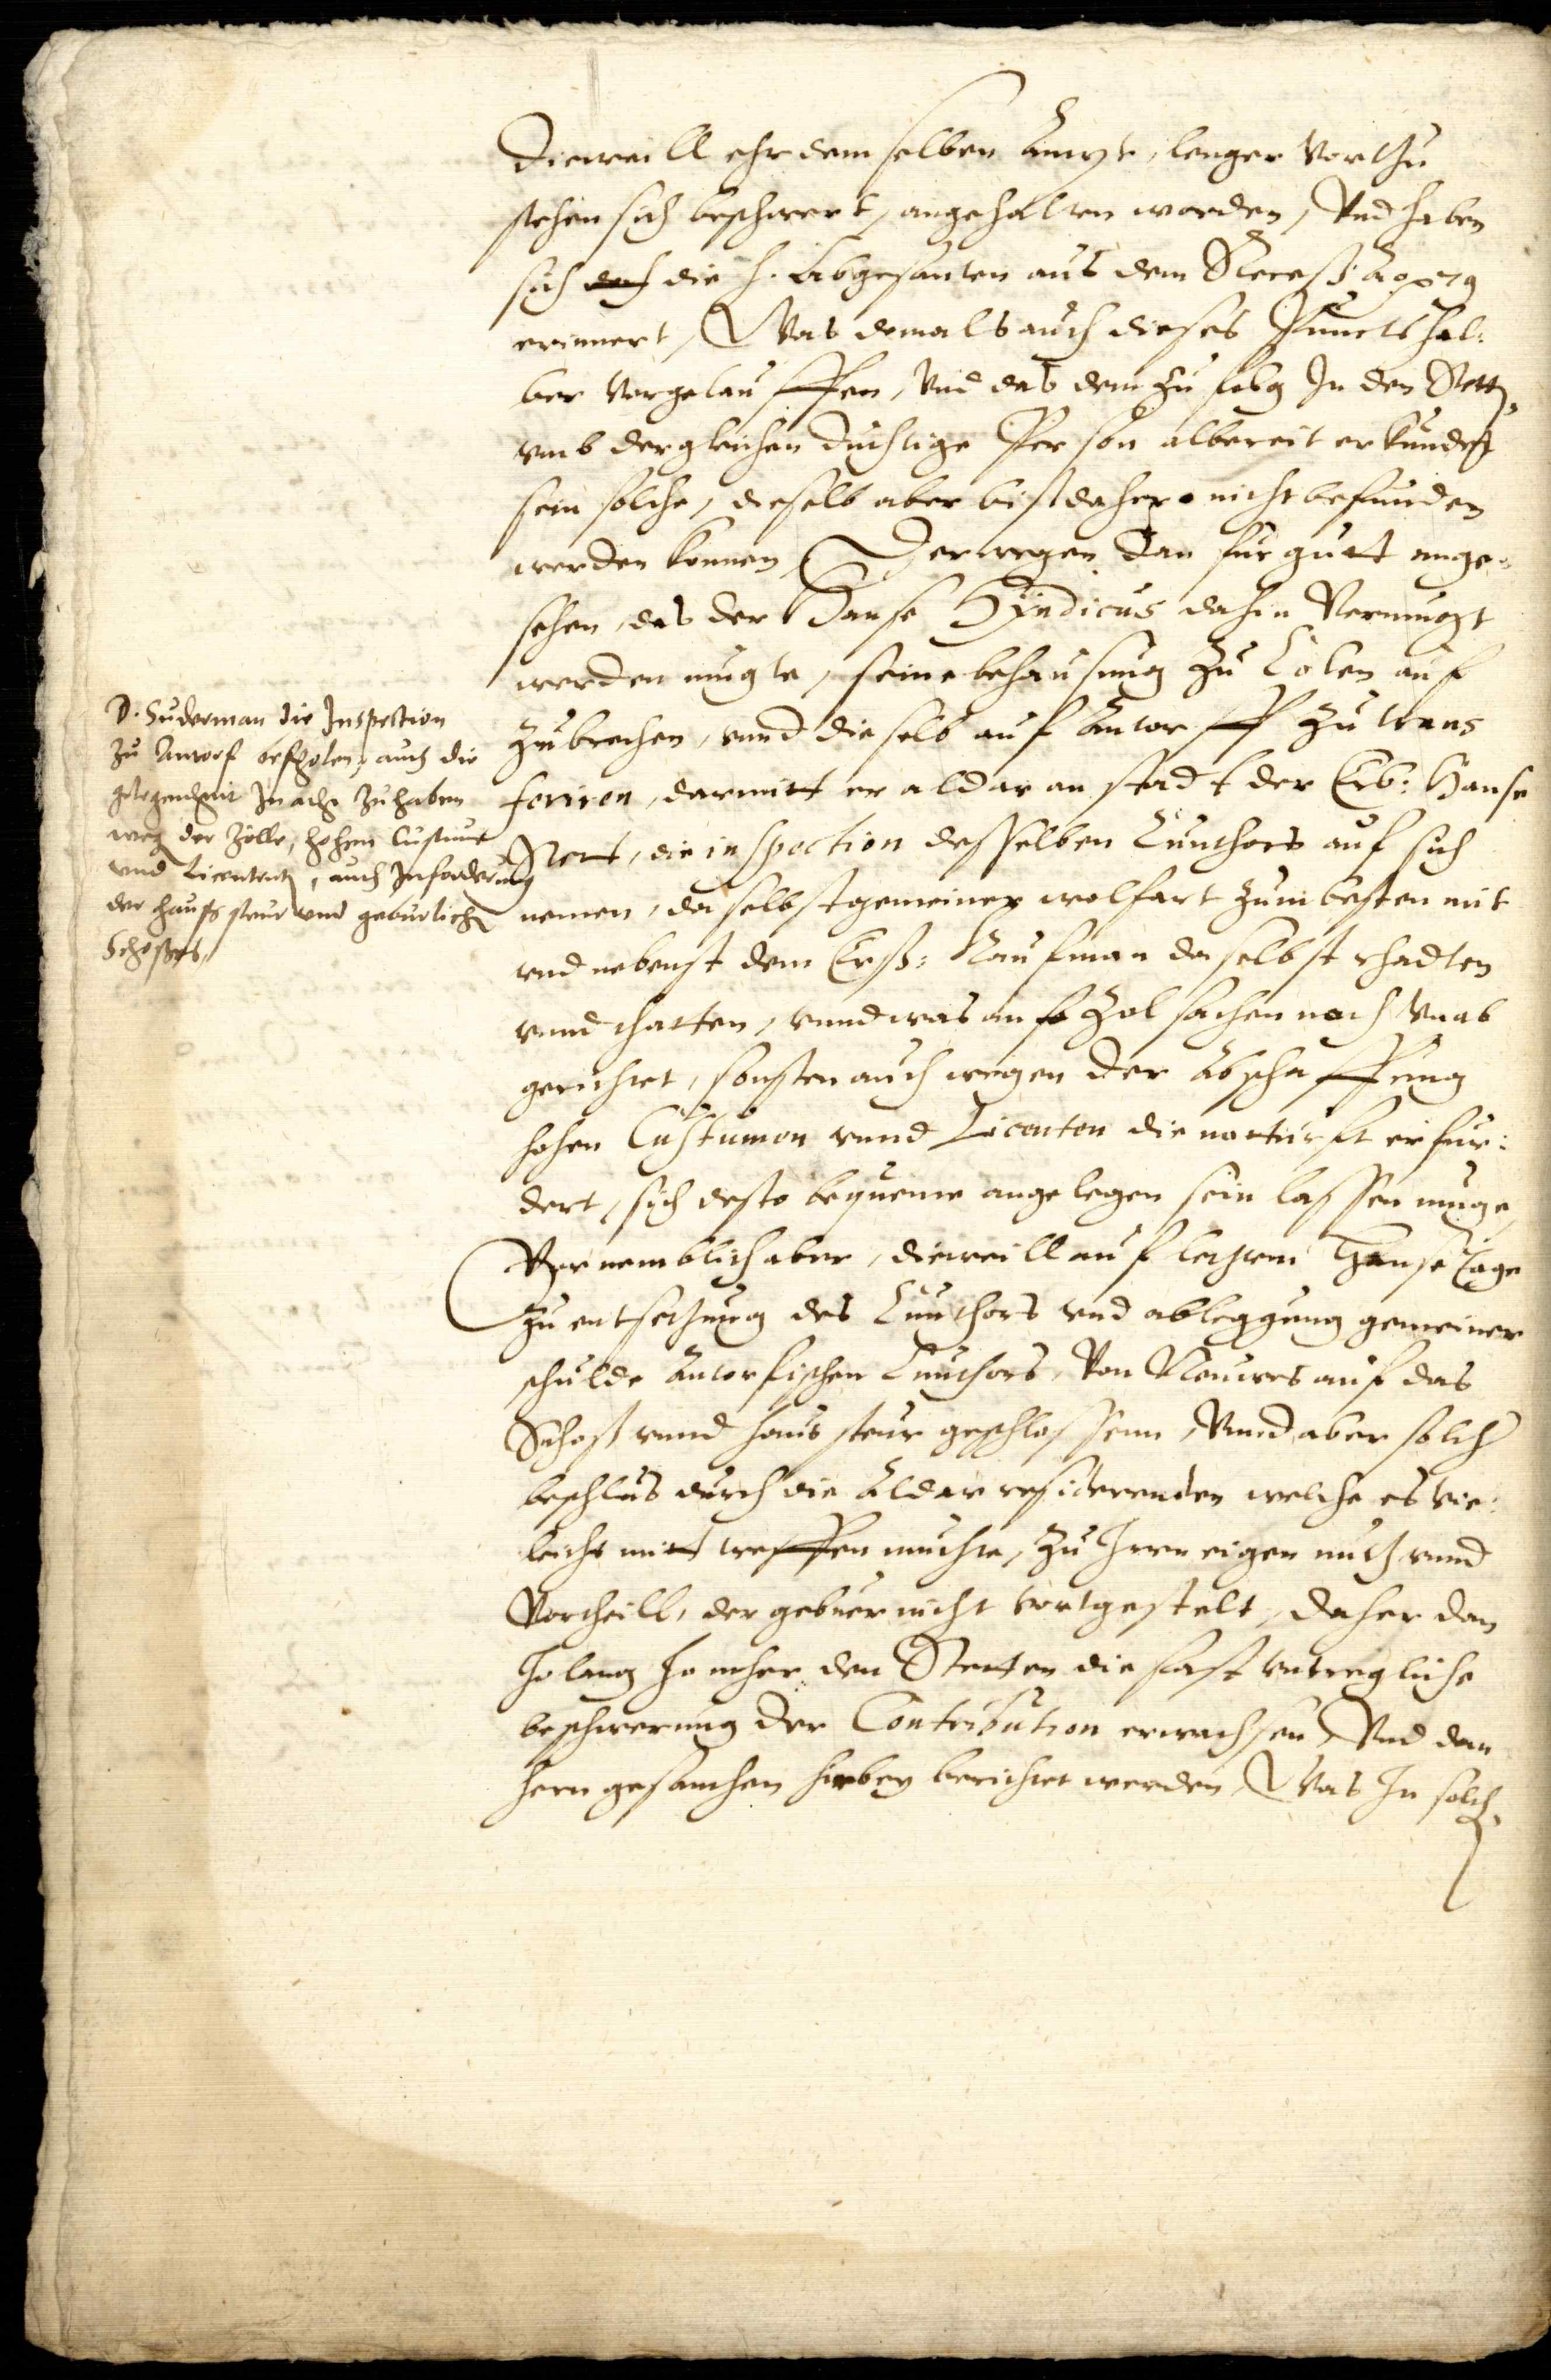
D. Suderman die Inspection
zu Antorf befholen, auch die
gelegenheit Jn acht zu haben
wegen der Zölle, hohem Custumen
vnnd Licententen, auch Jnforderung
der hausßsteur vnd geburlichen
Schoßes,
dieweill ehr dem selben Ampte, lenger vortzu
stehen sich beschwert, angehalten worden, Vnd haben
sich derf die h. Abgesanten aus dem Receß Ao p 79
erinnert, Was domals auch dieses Puncts hal¬
ber vorgelauffen, vnd das dem zu folg Jn den Stetten
vmb dergleichen duchtige Person albereit erkundet
sein solthe, dieselb aber biß dahero nicht befunden
werden konnen, Derwegen dan fur gutt ange¬
sehen, das der Hanse Sijndicus dahin Vermugt
werden mugte, seine behausung zu Colen auf
zubrechen, vnnd die selb auf Antorff zu trans
feriren, darmitt er aldar anstadt der Erb: Hanse
Stett, die inspection desselben Cunthors auf sich
nemen, daselbst gemeiner wolfart zum besten mit
vnd nebenst dem Erß: Kaufman daselbst rhadten
vnnd thatten, vnnd was an so zol sachen nach vn ab
gerichtet, sonsten auch wegen der Abschaffung
hohen Custumen vnnd Licenten die notturft erfur¬
dert, sich desto bequeme angelegen sein lassen muge,
Vornemblich aber, dieweill auf letztem Hansetage
zu entsetzung des Cunthors vnd ableggung gemeiner
schulde Antorfischen Cunthors, von Neuwes auf das
Schoß vnnd haus steur geschlossenn, Vnnd aber solch
beschlus durch die aldar residerenden welche es vie¬
leicht mitt treffen muchte, zu Jren eigen nutz vnnd
Vortheill, der gebuer nicht vortgestelt, daher dan
Je lang Je mher den Stetten die fast vntregliche
beschwerung der Contribution erwachsen, Vnd dan
hern gesanthen hirbey berichtet werden, Was Jn solchen
